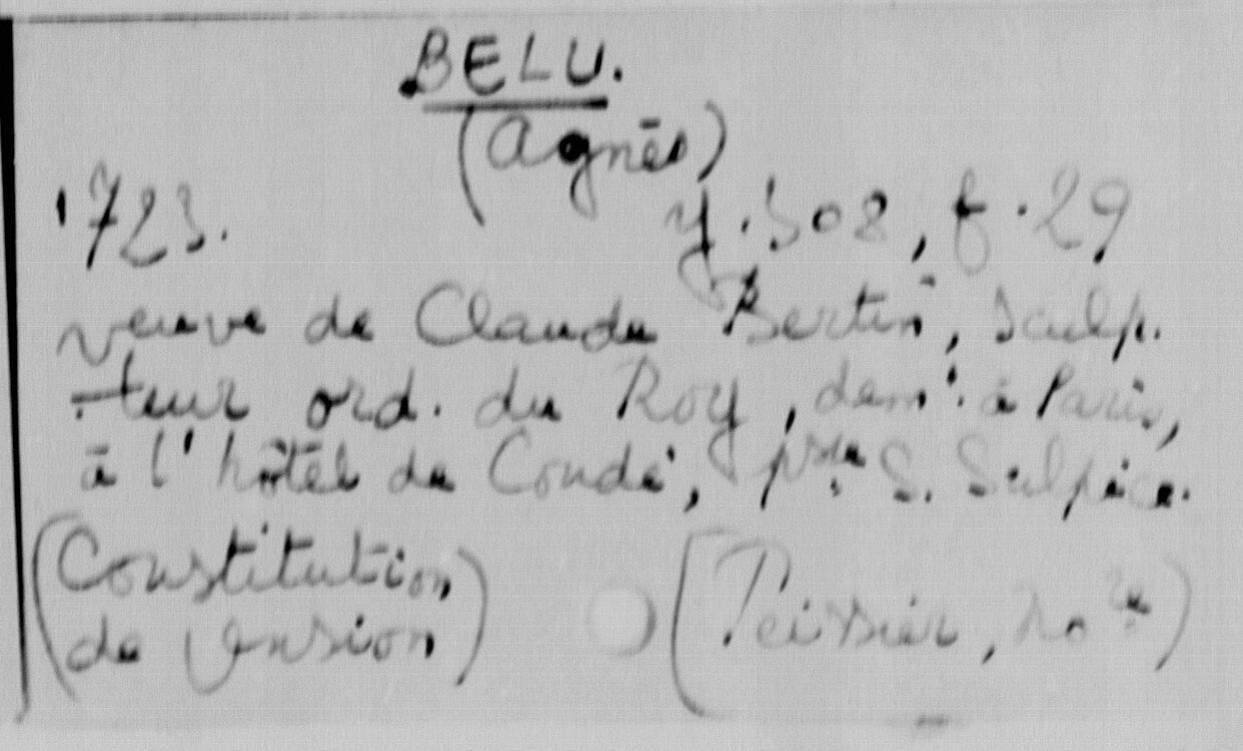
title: BELU (Agnès)
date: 1723
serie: Y
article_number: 308
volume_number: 29
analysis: Veuve de Claude Bertin, sculpteur ordinaire du Roy, demeurant à Paris, à l'hôtel de Condé, paroisse Saint-Sulpice. (Constitution de version) Peissier, notaire.
